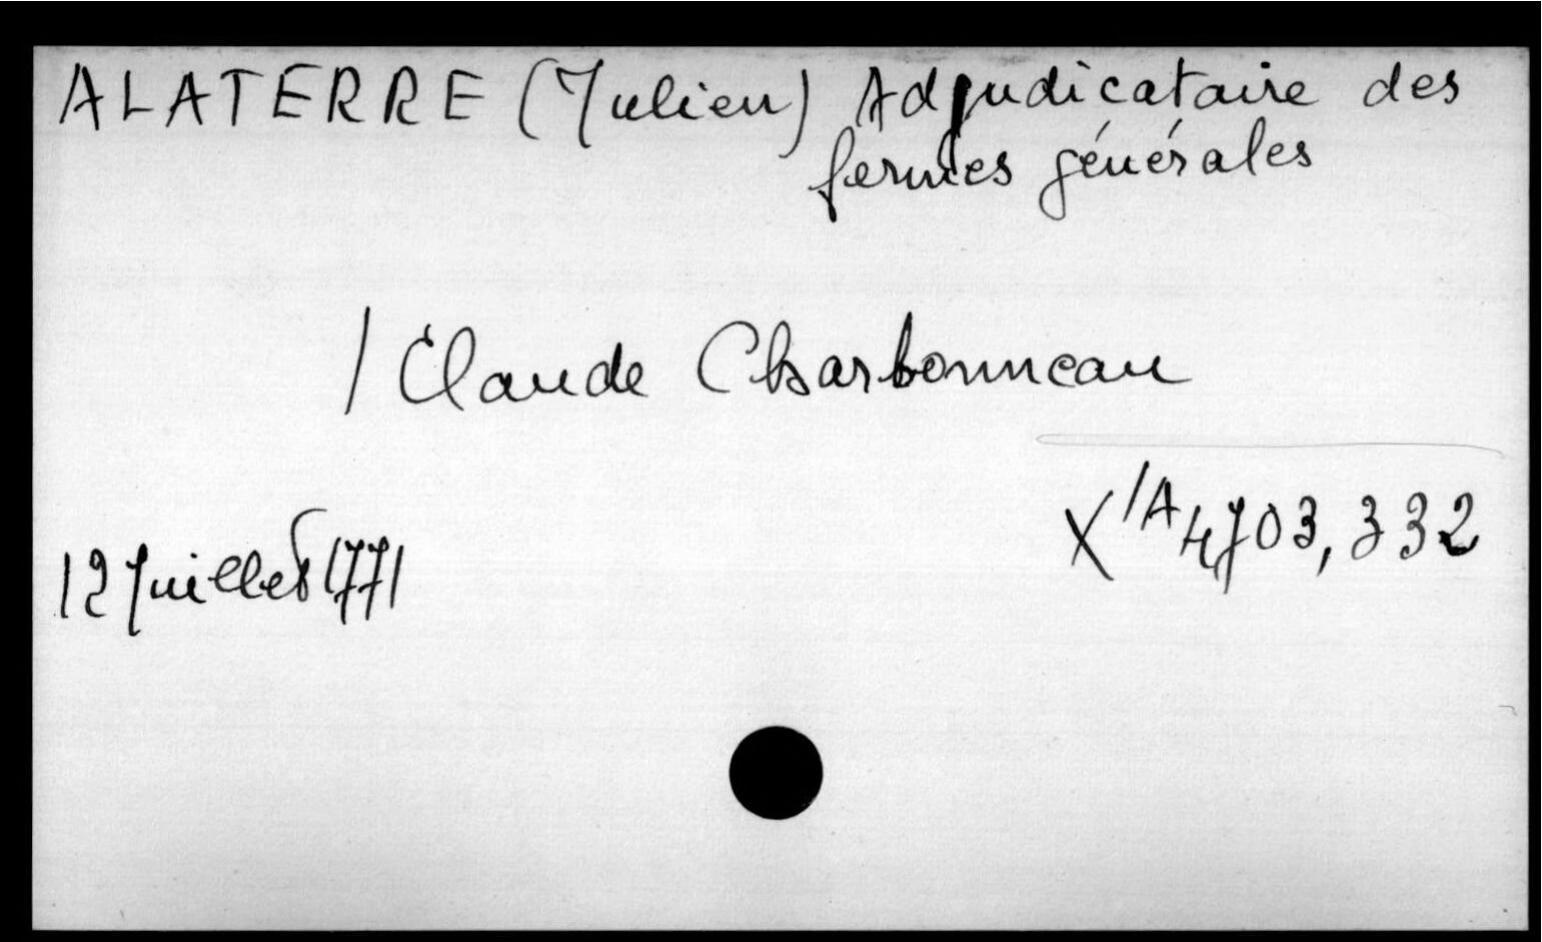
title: ALATERRE (Julien) Adjudicataire des fermes générales
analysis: Contre Claude Charbonneau
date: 12 juillet 1771
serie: X1A
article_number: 4703
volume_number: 332
